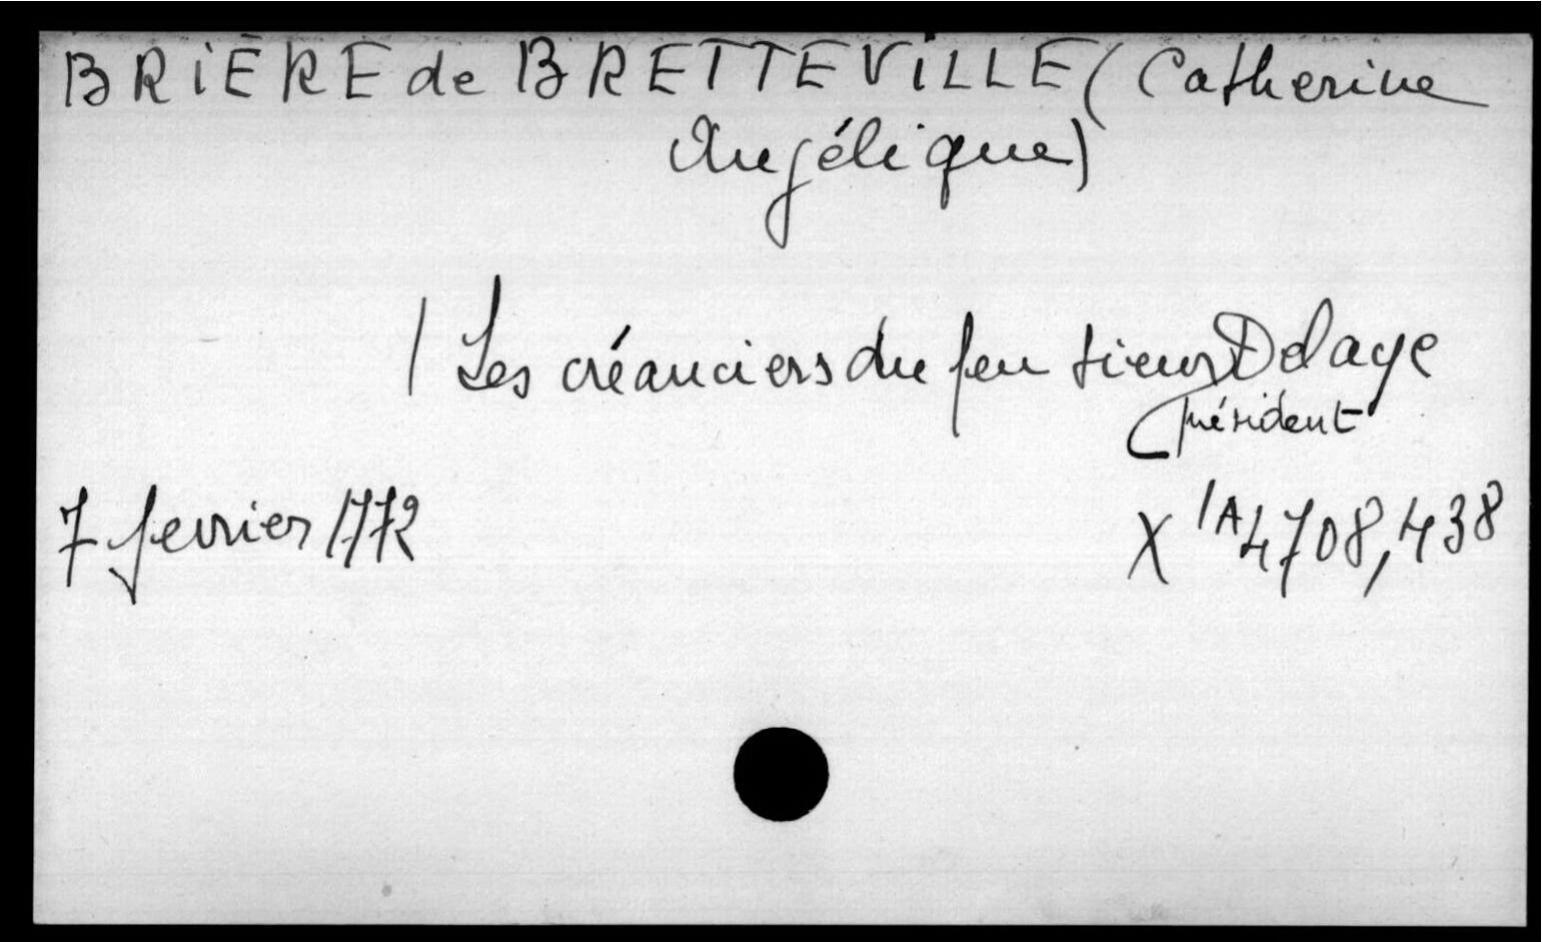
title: BRIERE de BRETTEVILLE (Catherine Angélique)
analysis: Contre les créanciers du feu Sieur président Delaye
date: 7 février 1772
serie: X1A
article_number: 4708
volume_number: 438
